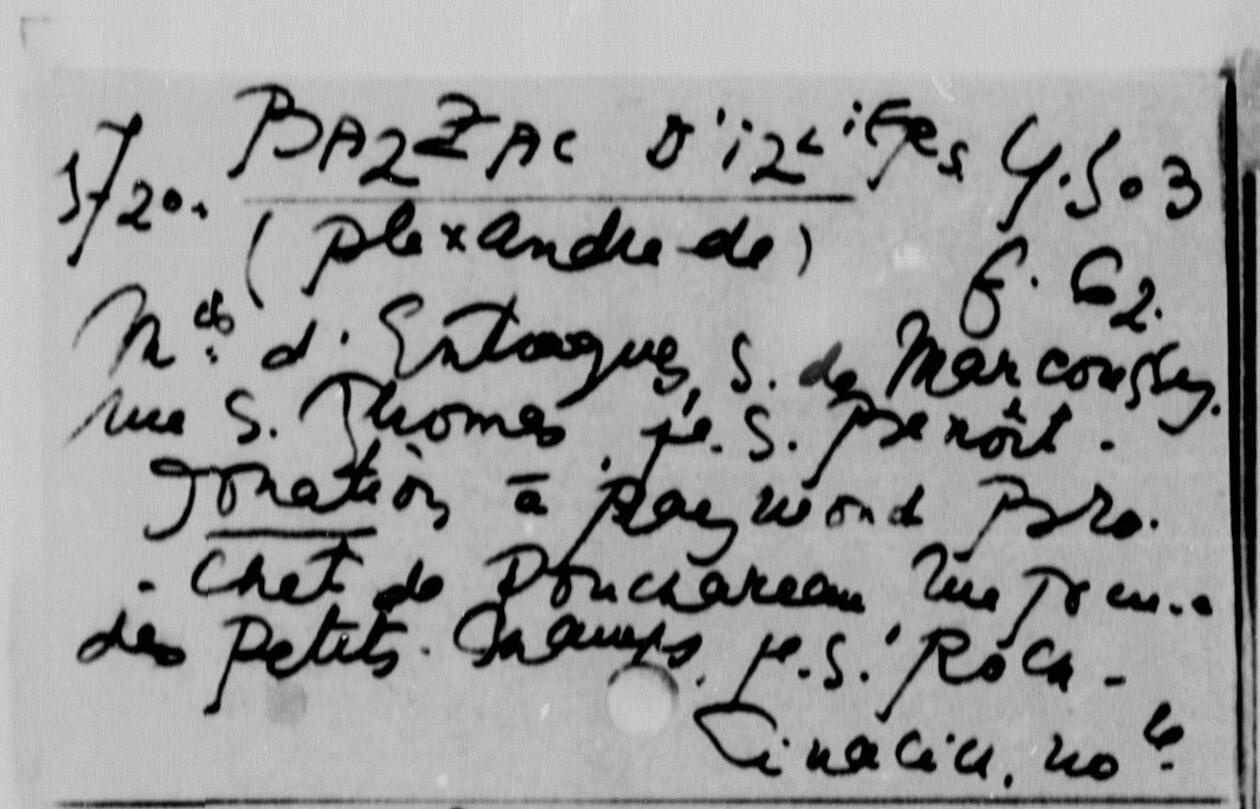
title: BALZAC D'ILLIERS (Alexandre de)
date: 1720
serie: Y
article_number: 303
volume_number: folio 62
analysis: Marquis d'Entragues, seigneur de Marcoussy, rue Saint-Thomas, paroisse Saint-Benoît. Donation à Raymond Brochet de Ponchareau, rue Neuve-des-Petits-Champs, paroisse Saint-Roch. Linacier, notaire.
